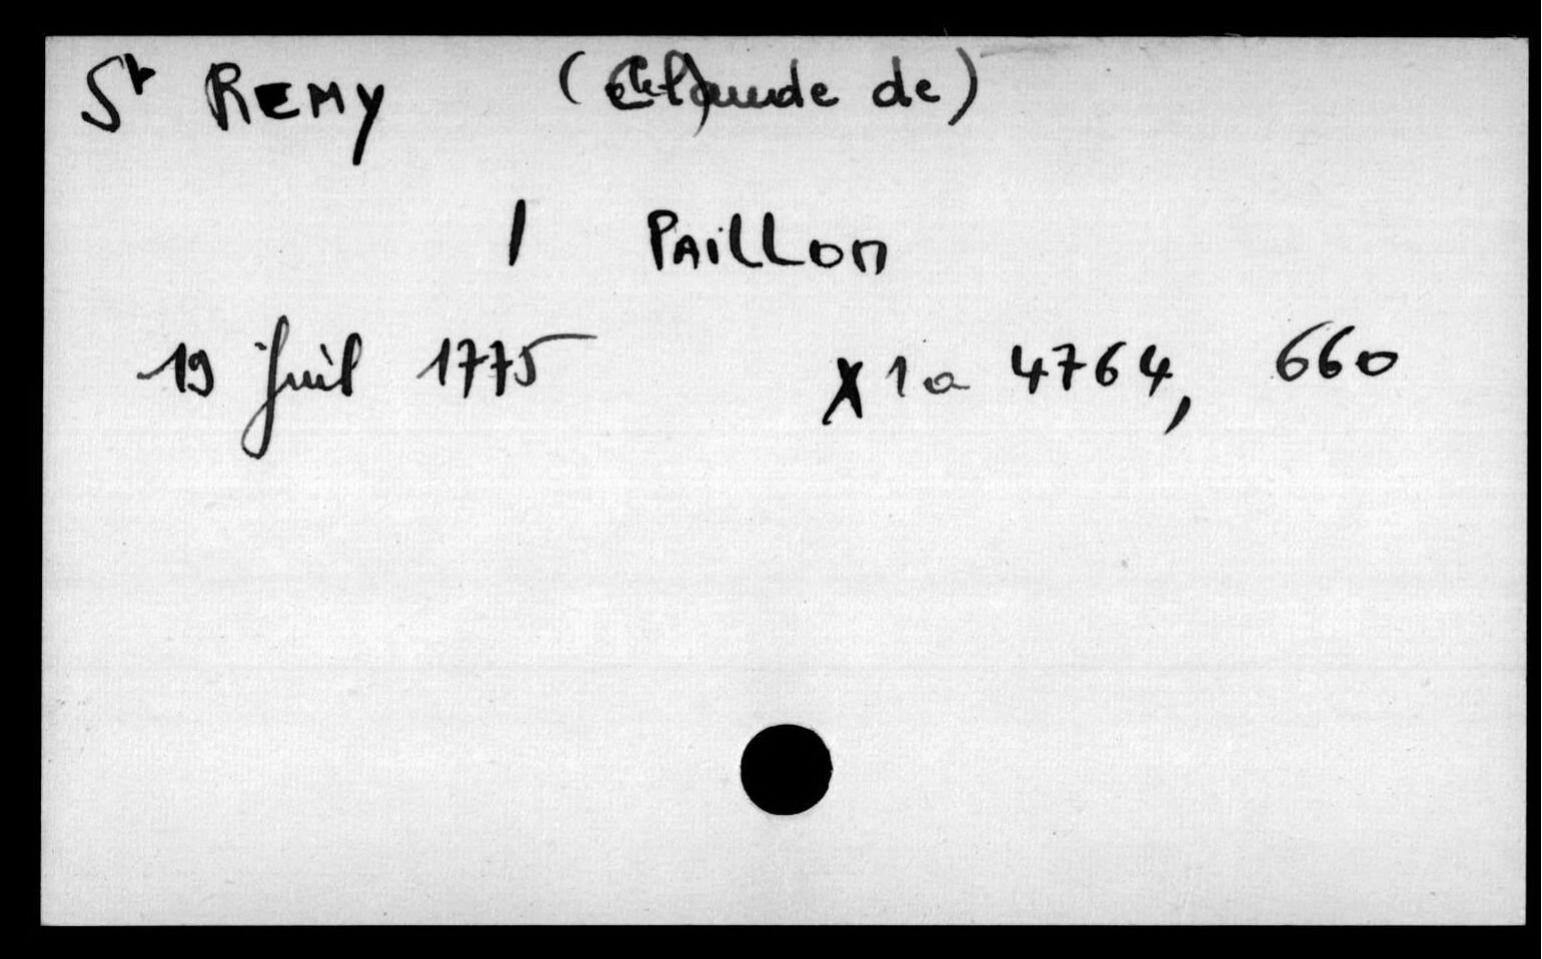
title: Saint Rémy (Claude de)
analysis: Contre PAILLON
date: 19 juillet 1775
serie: X1a
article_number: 4764
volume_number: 660
